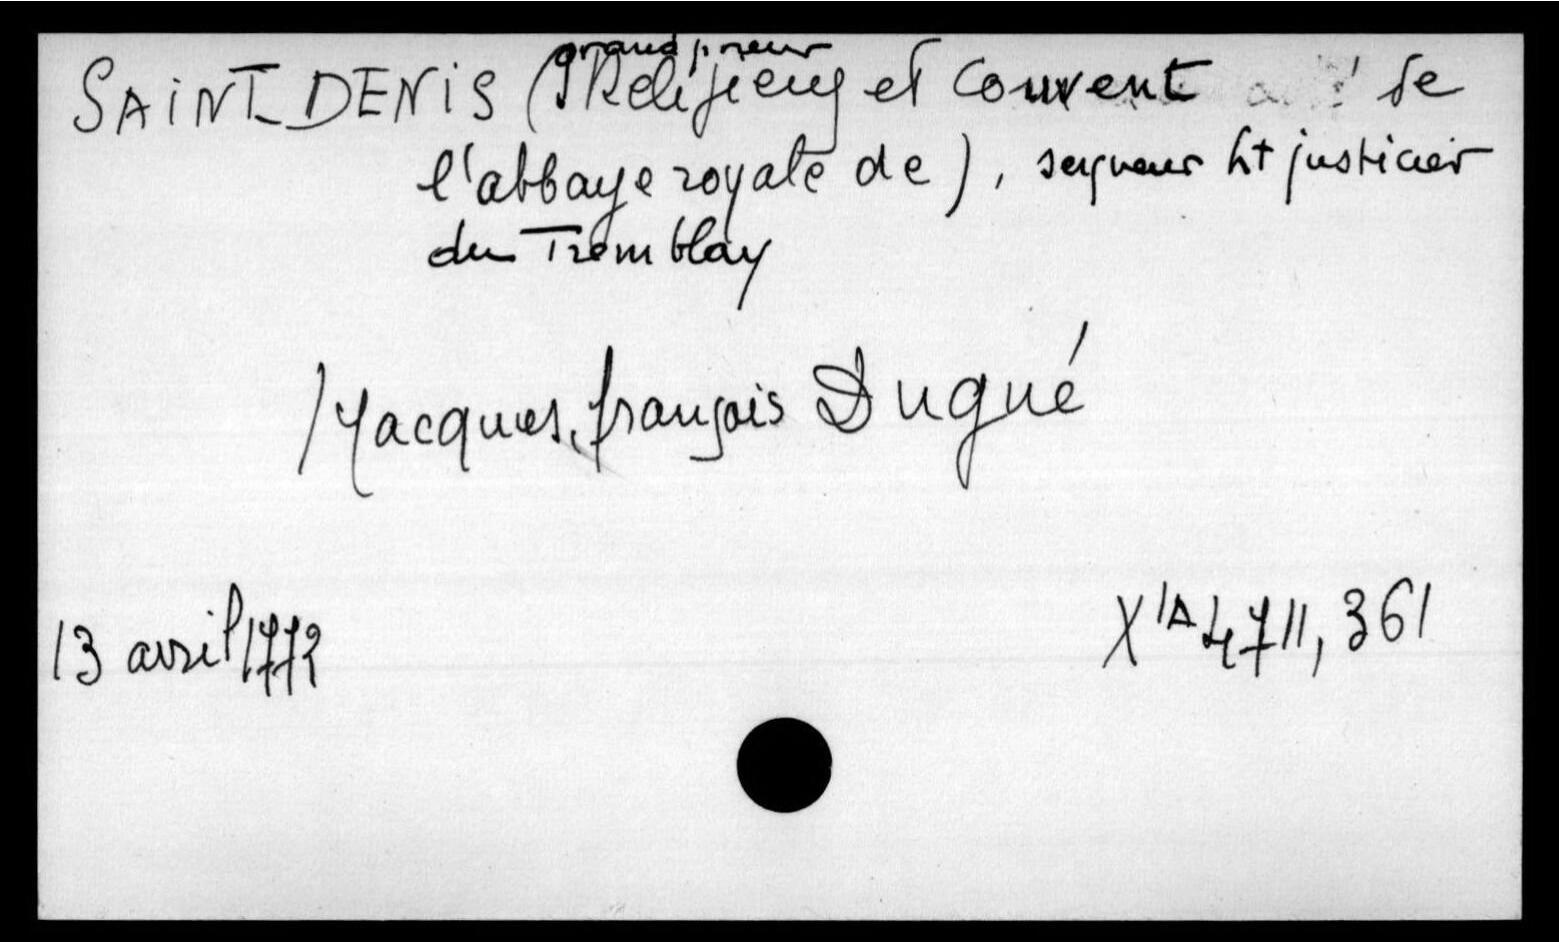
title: SAINT-DENIS (grand prieur Religieux et couvent de l'abbaye royale de), seigneur haut-justicier du Tremblay
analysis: Contre Jacques, François Dugué
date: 13 avril 1772
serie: X1A
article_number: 4711
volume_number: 361
